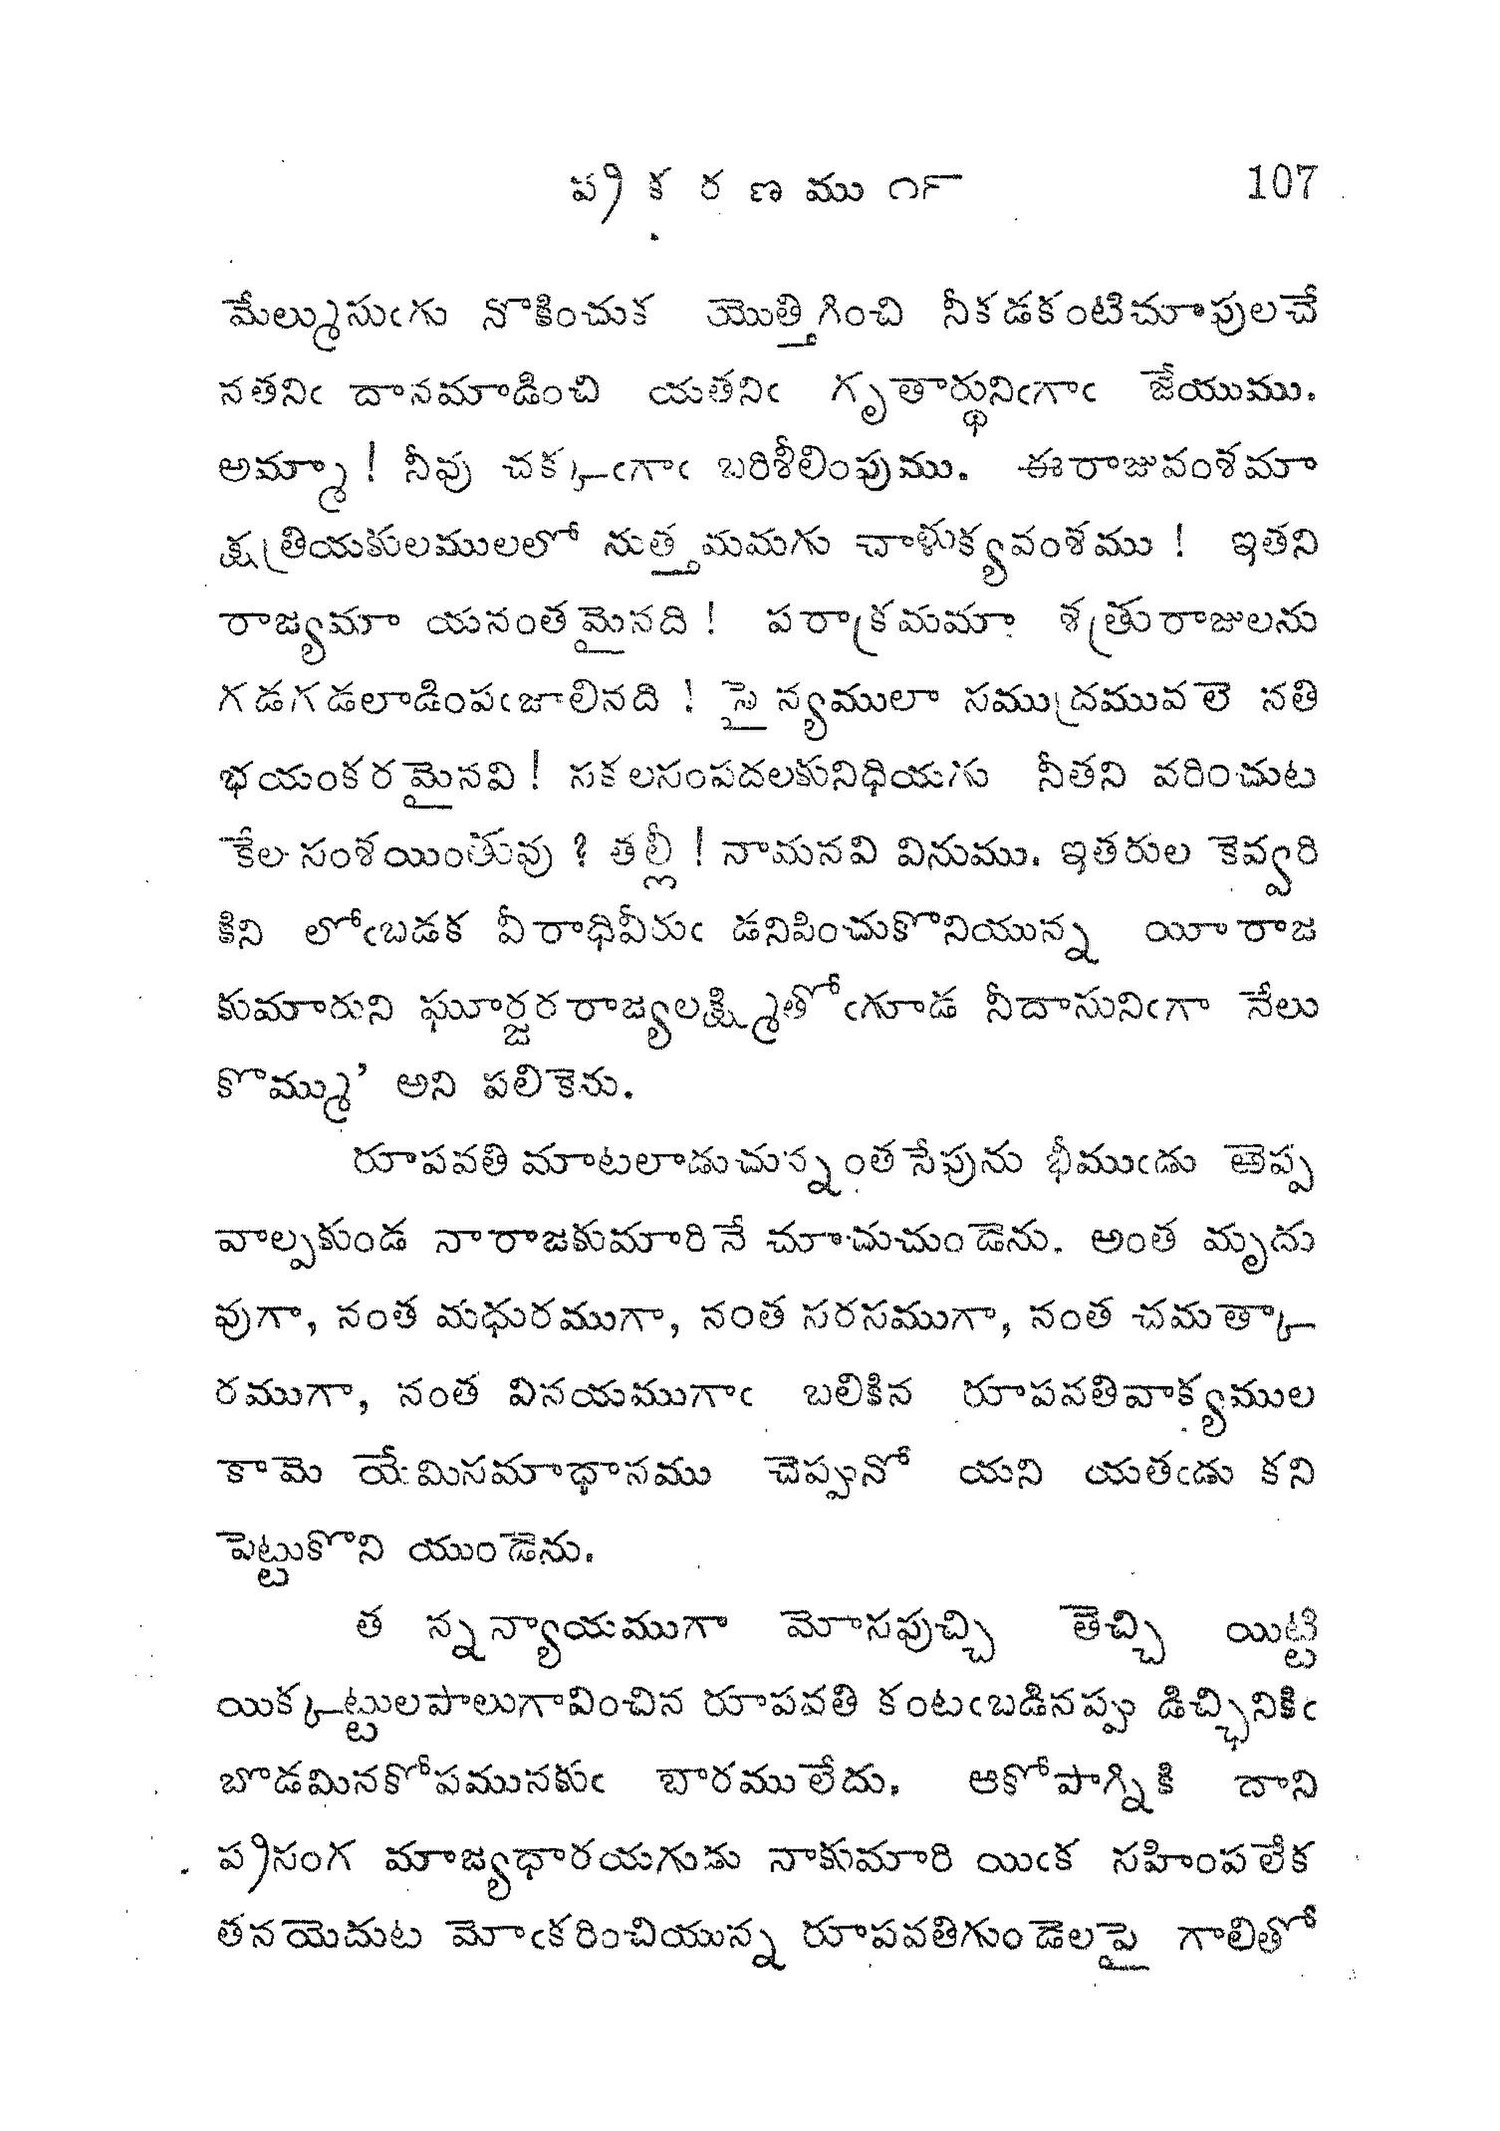మేల్ముసుఁగు నొకించుక యొత్తిగించి నీకడకంటిచూపులచే నతనిఁ దానమాడించి యతనిఁ గృతార్థునిఁగాఁ జేయుము. అమ్మా! నీవు చక్కఁగాఁ బరిశీలింపుము. ఈ రాజువంశ మాక్షత్రియకులములలో నుత్తమమగు చాళుక్యవంశము! ఇతనిరాజ్యమా యనంతమైనది! పరాక్రమమా, శత్రురాజులను గడగడలాడింపఁజాలినది! సైన్యములా సముద్రమువలె నతిభయంకరమైనవి! సకలసంపదలకు నిధియగు నీతని వరించుట కేల సంశయింతువు! తల్లీ! నామనవి వినుము. ఇతరుల కెవ్వరికిని లోఁబడక వీరాధివీరు డనిపించుకొనియున్న యీరాజకుమారుని ఘూర్జరరాజ్యలక్ష్మితోఁగూడ నీదాసునిగా నేలుకొమ్ము' అని పలికెను.

రూపవతి మాటలాడుచున్నంతసేపును భీముఁడు ఱెప్ప వాల్పకుండ నారాజకుమారినే చూచుచుండెను. అంత మృదువుగా, నంత మధురముగా, నంత సరసముగా, నంత చమత్కారముగా, నంత వినయముగాఁ బలికిన రూపవతివాక్యముల కామె యేమి సమాధానము చెప్పునో యని యతఁడు కనిపెట్టుకొని యుండెను.

త న్నన్యాయముగా మోసపుచ్చి తెచ్చి యిట్టి యిక్కట్టులపాలు గావించిన రూపవతి కంటఁబడినప్పు డిచ్ఛినికిఁ బొడమినకోపమునకుఁ బారము లేదు. ఆకోపాగ్నికి దానిప్రసంగ మాజ్యధార యగుడు నాకుమారి యిఁక సహింపలేక తనయెదుట మోఁకరించియున్న రూపవతిగుండెలపై గాలితో